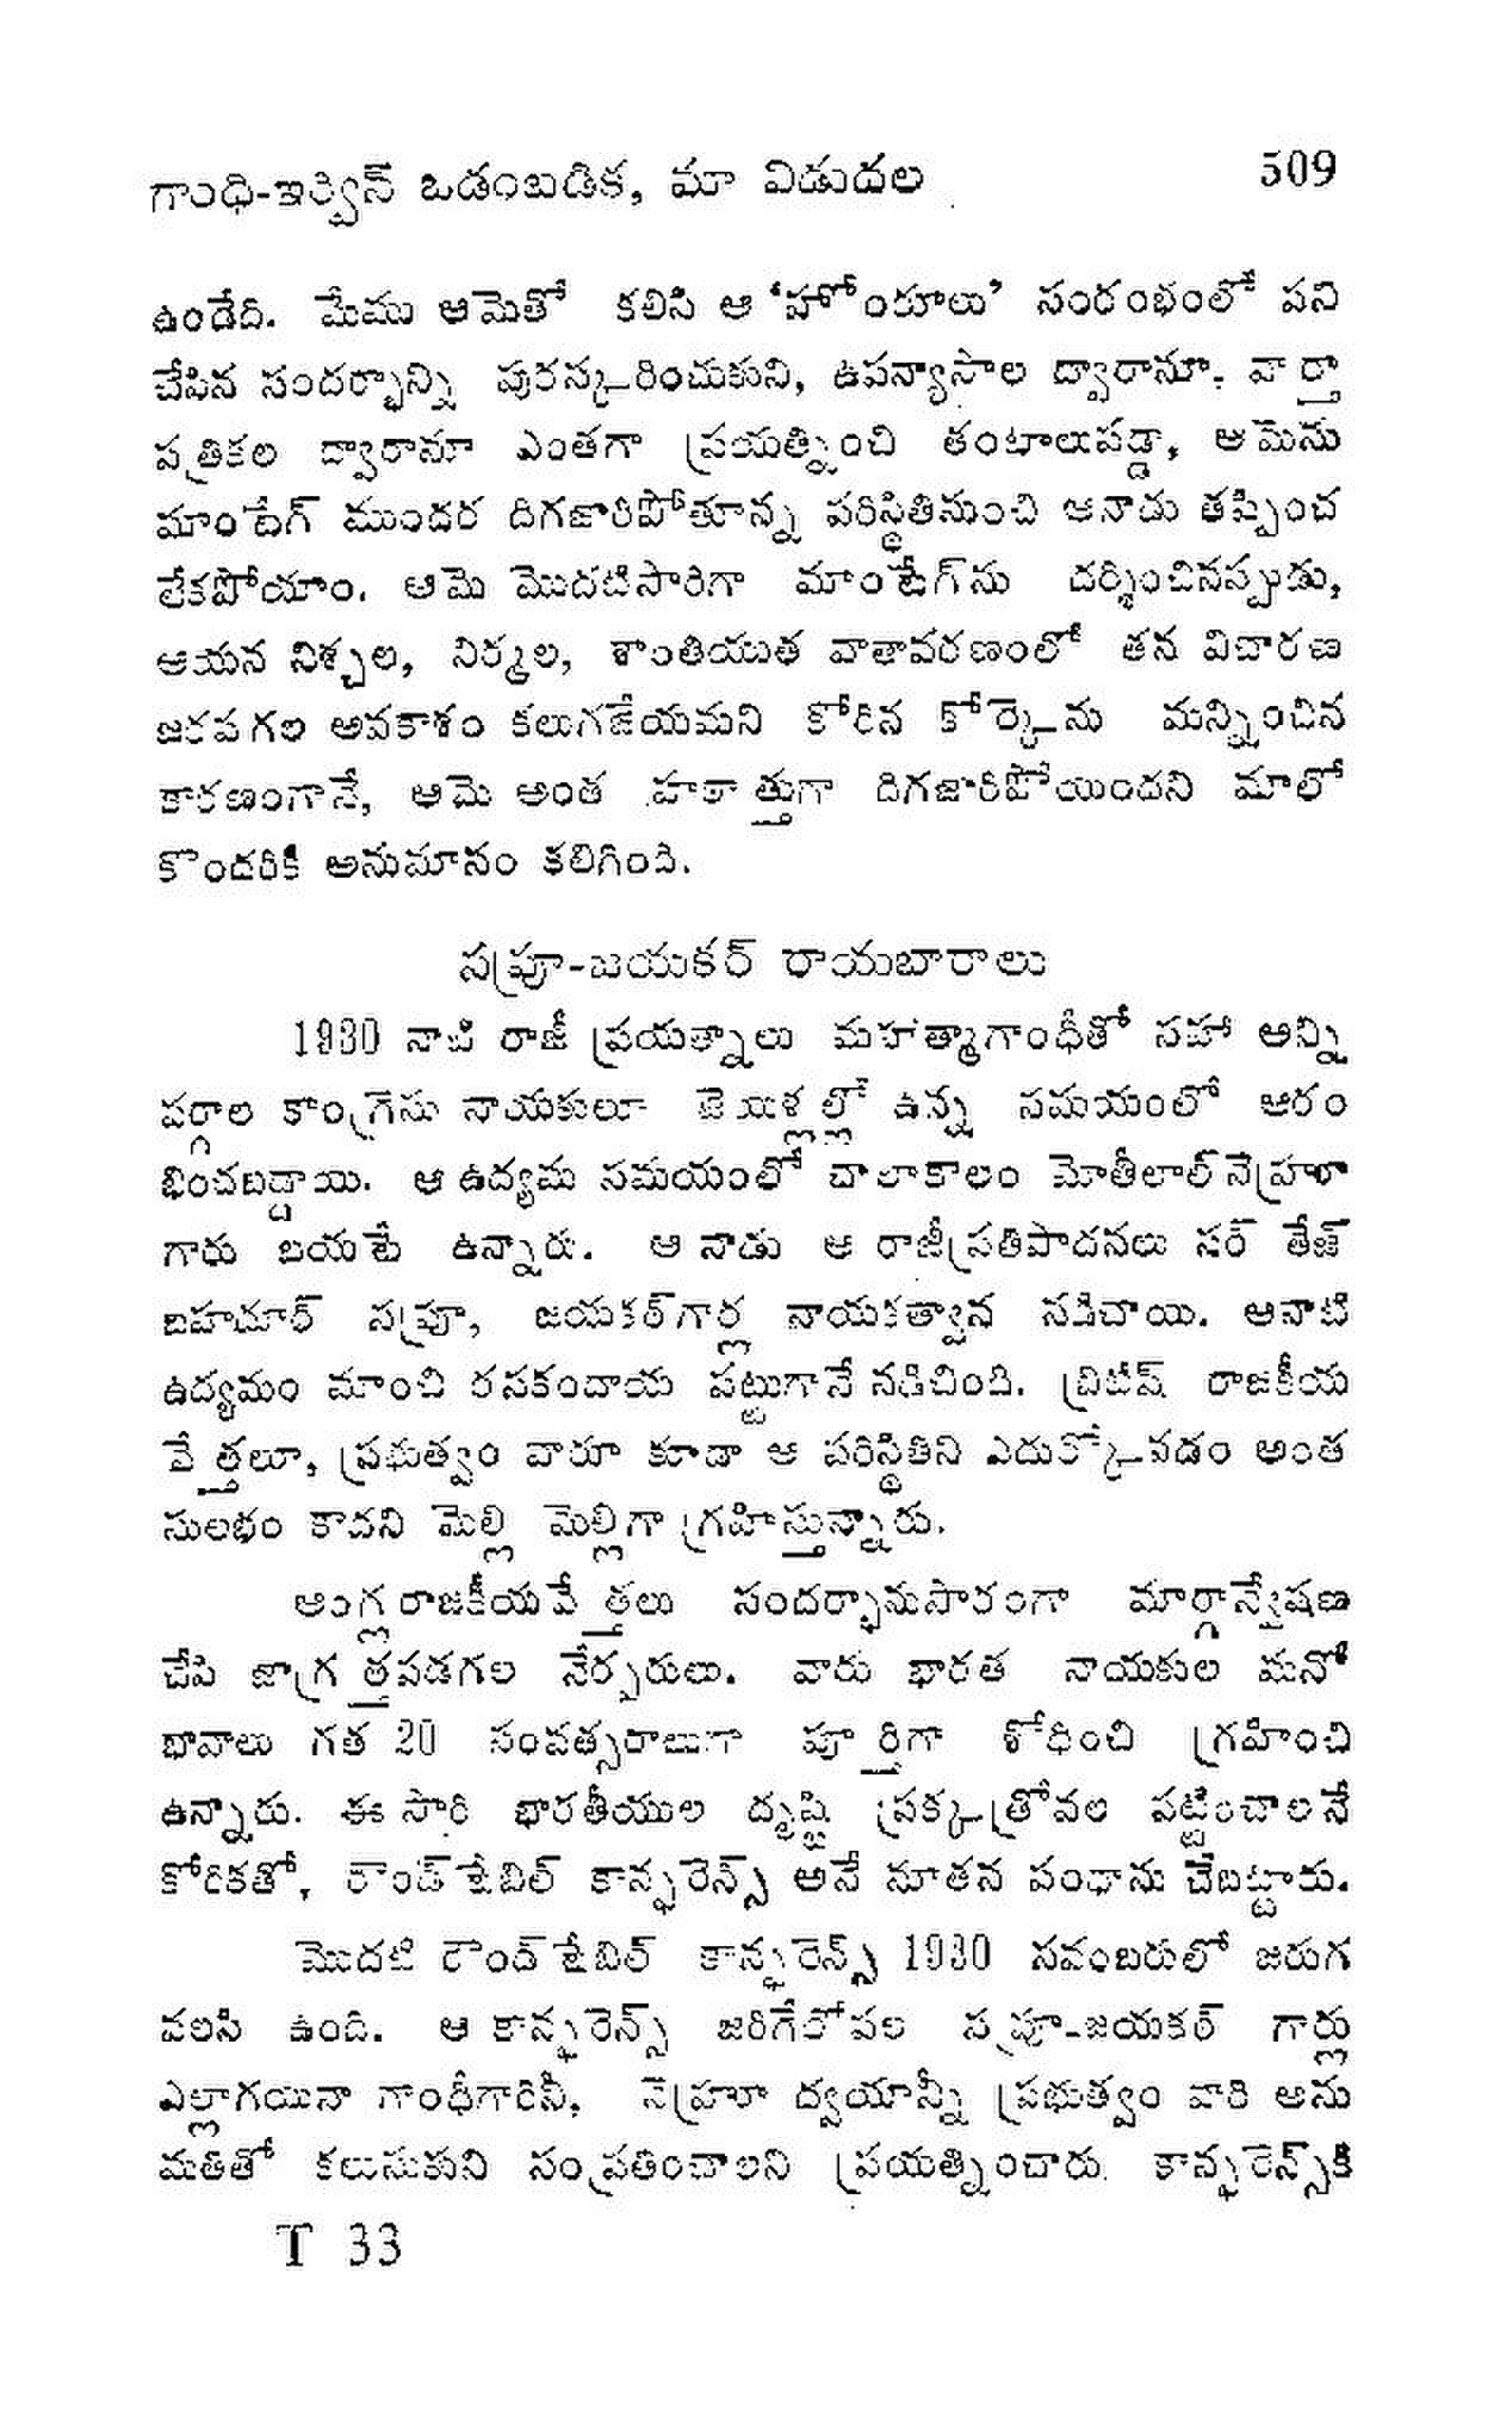ఉండేది. మేము ఆమెతో కలిసి 'హోం రూలు' సంరంభంలో పనిచేసిన సందర్భాన్ని పురస్కరించుకుని, ఉపన్యాసాల ద్వారానూ, వార్తా పత్రికల ద్వారానూ ఎంతగా ప్రయత్నించి తంటాలుపడ్డా, ఆమెను మాంటేగ్ ముందర దిగజారి పోతూన్న పరిస్థితినుంచి ఆనాడు తప్పించలేకపోయాం. ఆమె మొదటిసారిగా మాంటేగ్‌ను దర్శించి నప్పుడు, ఆయన నిశ్చల, నిర్మల, శాంతియుత వాతావరణంలో తన విచారణ జరపగల అవకాశం కలుగజేయమని కోరిన కోర్కెను మన్నించిన కారణంగానే, ఆమె అంత హఠాత్తుగా దిగజారిపోయిందని మాలో కొందరికి అనుమానం కలిగింది.

1930 నాటి రాజీ ప్రయత్నాలు మహాత్మాగాంధీతో సహా అన్నివర్గాల కాంగ్రెసు నాయకులూ జెయిళ్లల్లో ఉన్న సమయంలో ఆరంభించబడ్డాయి. ఆ ఉద్యమ సమయంలో చాలాకాలం మోతీలాల్‌ నెహ్రూగారు బయటే ఉన్నారు. ఆ నాడు ఆ రాజీప్రతిపాదనలు సర్ తేజ్ బహదూర్ సప్రూ, జయకర్‌గార్ల నాయకత్వాన నడిచాయి. ఆనాటి ఉద్యమం మాంచి రసకందాయ పట్టుగానే నడిచింది. బ్రిటిష్ రాజకీయ వేత్తలూ, ప్రభుత్వం వారూ కూడా ఆ పరిస్థితిని ఎదుర్కోవడం అంత సులభం కాదని మెల్లి మెల్లిగా గ్రహిస్తున్నారు.

ఆంగ్లరాజకీయవేత్తలు సందర్భానుసారంగా మార్గావ్వేషణచేసి జాగ్రత్తపడగల నేర్పరులు. వారు భారత నాయకుల మనోభావాలు గత 20 సంవత్సరాలుగా పూర్తిగా శోధించి గ్రహించి ఉన్నారు. ఈ సారి భారతీయుల దృష్టి ప్రక్కత్రోవల పట్టించాలనే కోరికతో, రౌండ్‌టేబిల్ కాన్ఫరెన్స్ అనే నూతన పంధాను చేబట్టారు.

మొదటి రౌండ్‌టేబిల్ కాన్ఫరెన్స్ 1930 నవంబరులో జరుగవలసి ఉంది. ఆ కాన్ఫరెన్స్ జరిగేలోపల సప్రూ - జయకర్ గార్లు ఎల్లాగయినా గాంధీగారినీ, నెహ్రూ ద్వయాన్నీ ప్రభుత్వం వారి అనుమతితో కలుసుకుని సంప్రతించాలని ప్రయత్నించారు కాన్ఫరెన్స్‌కి